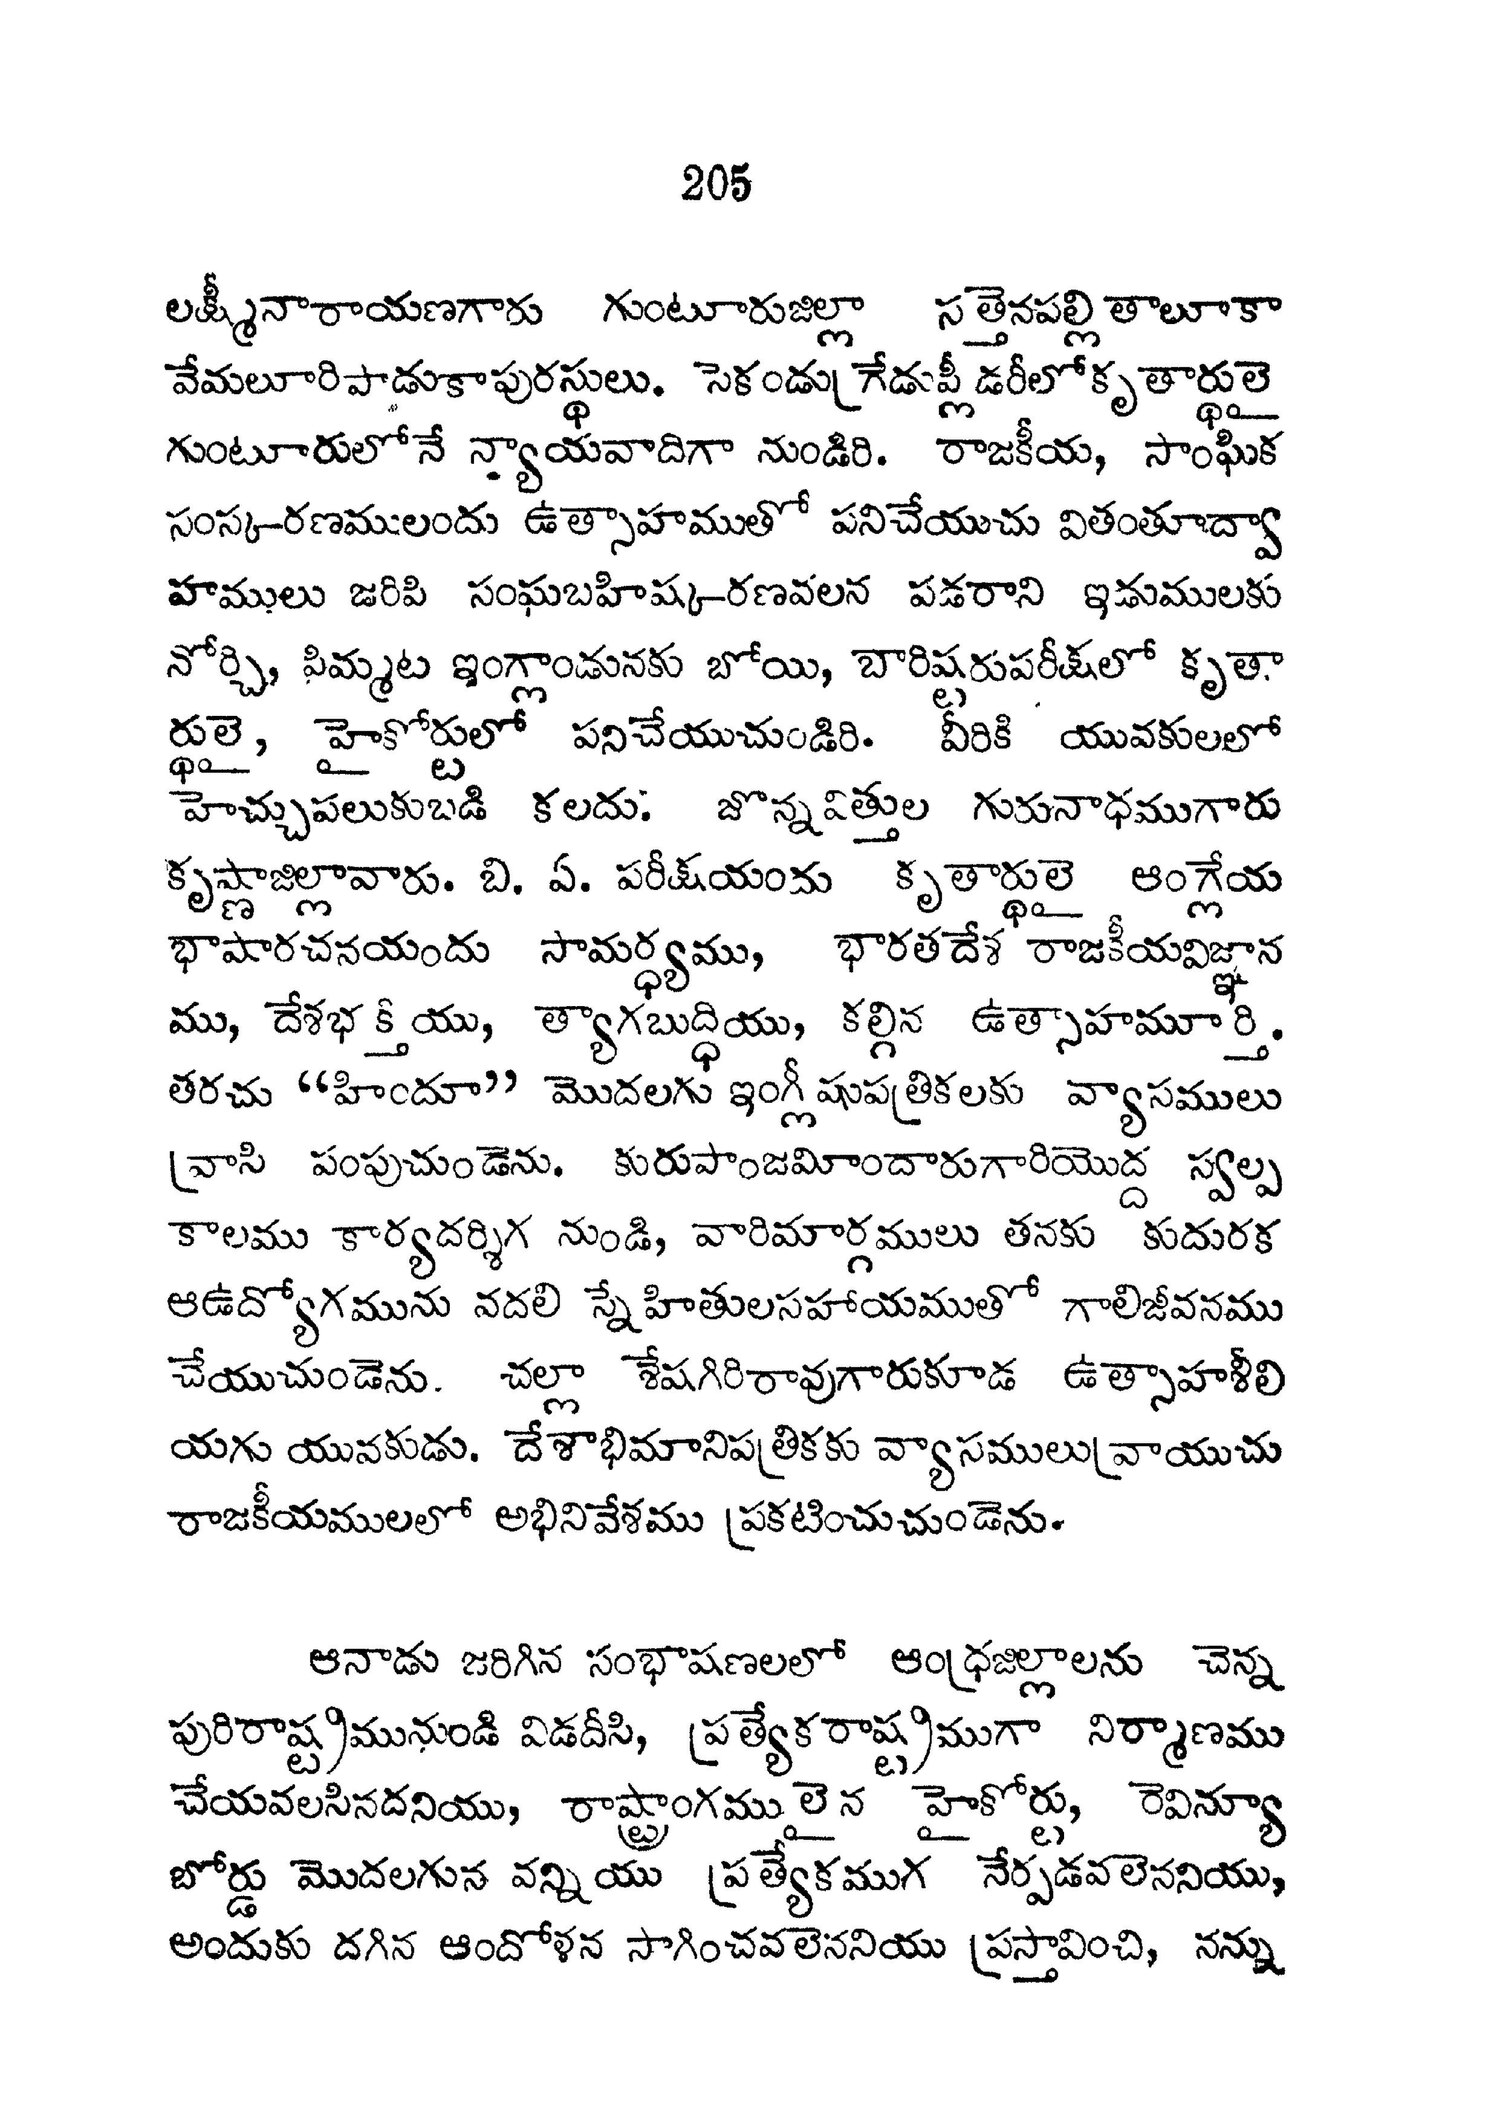లక్ష్మీనారయణగారు గుంటూరుజిల్లా సత్తెనపల్లితాలూకా వేమలూరిపాడుకాపురస్థులు, సెకండుగ్రేడుప్లీడరీలోకృతార్థులై గుంటూరులోనే న్యాయవాదిగా నుండిరి. రాజకీయ, సాంఘిక సంస్కరణములందు ఉత్సాహముతో పనిచేయుచు వితంతూద్వాహములు జరిపి సంఘబహిష్కరణవలన పడరాని ఇడుములకు నోర్చి, పిమ్మట ఇంగ్లాండునకు బోయి, బారిష్టరుపరీక్షలో కృతార్థులై, హైకోర్టులో పనిచేయుచుండిరి. వీరికి యువకులలో హెచ్చుపలుకుబడి కలదు. జొన్నవిత్తుల గురునాధముగారు కృష్ణాజిల్లావారు. బి. ఏ. పరీక్షయందు కృతార్థులై ఆంగ్లేయభాషారచనయందు సామర్థ్యము, భారతదేశ రాజకీయవిజ్ఞానము, దేశభక్తియు, త్యాగబుద్ధియు, కల్గిన ఉత్సాహమూర్తి. తరచు "హిందూ" మొదలగు ఇంగ్లీషుపత్రికలకు వ్యాసములు వ్రాసి పంపుచుండెను. కురుపాంజమీందారుగారియొద్ద స్వల్పకాలము కార్యదర్శిగ నుండి, వారిమార్గములు తనకు కుదరక ఆఉద్యోగమును వదలి స్నేహితులసహాయముతో గాలిజీవనము చేయుచుండెను. చల్లా శేషగిరిరావుగారుకూడ ఉత్సాహశీలియగు యువకుడు. దేశాభిమానిపత్రికకు వ్యాసములువ్రాయుచు రాజకీయములలో అభినివేశము ప్రకటించుచుండెను.

ఆనాడు జరిగిన సంభాషణలలో ఆంధ్రజిల్లాలను చెన్నపురిరాష్ట్రమునుండి విడదీసి, ప్రత్యేకరాష్ట్రముగా నిర్మాణము చేయవలసినదనియు, రాష్ట్రాంగములైన హైకోర్టు, రెవిన్యూబోర్డు మొదలగున వన్నియు ప్రత్యేకముగ నేర్పడవలెననియు, అందుకు దగిన ఆందోళన సాగించవలెననియు ప్రస్తావించి, నన్ను